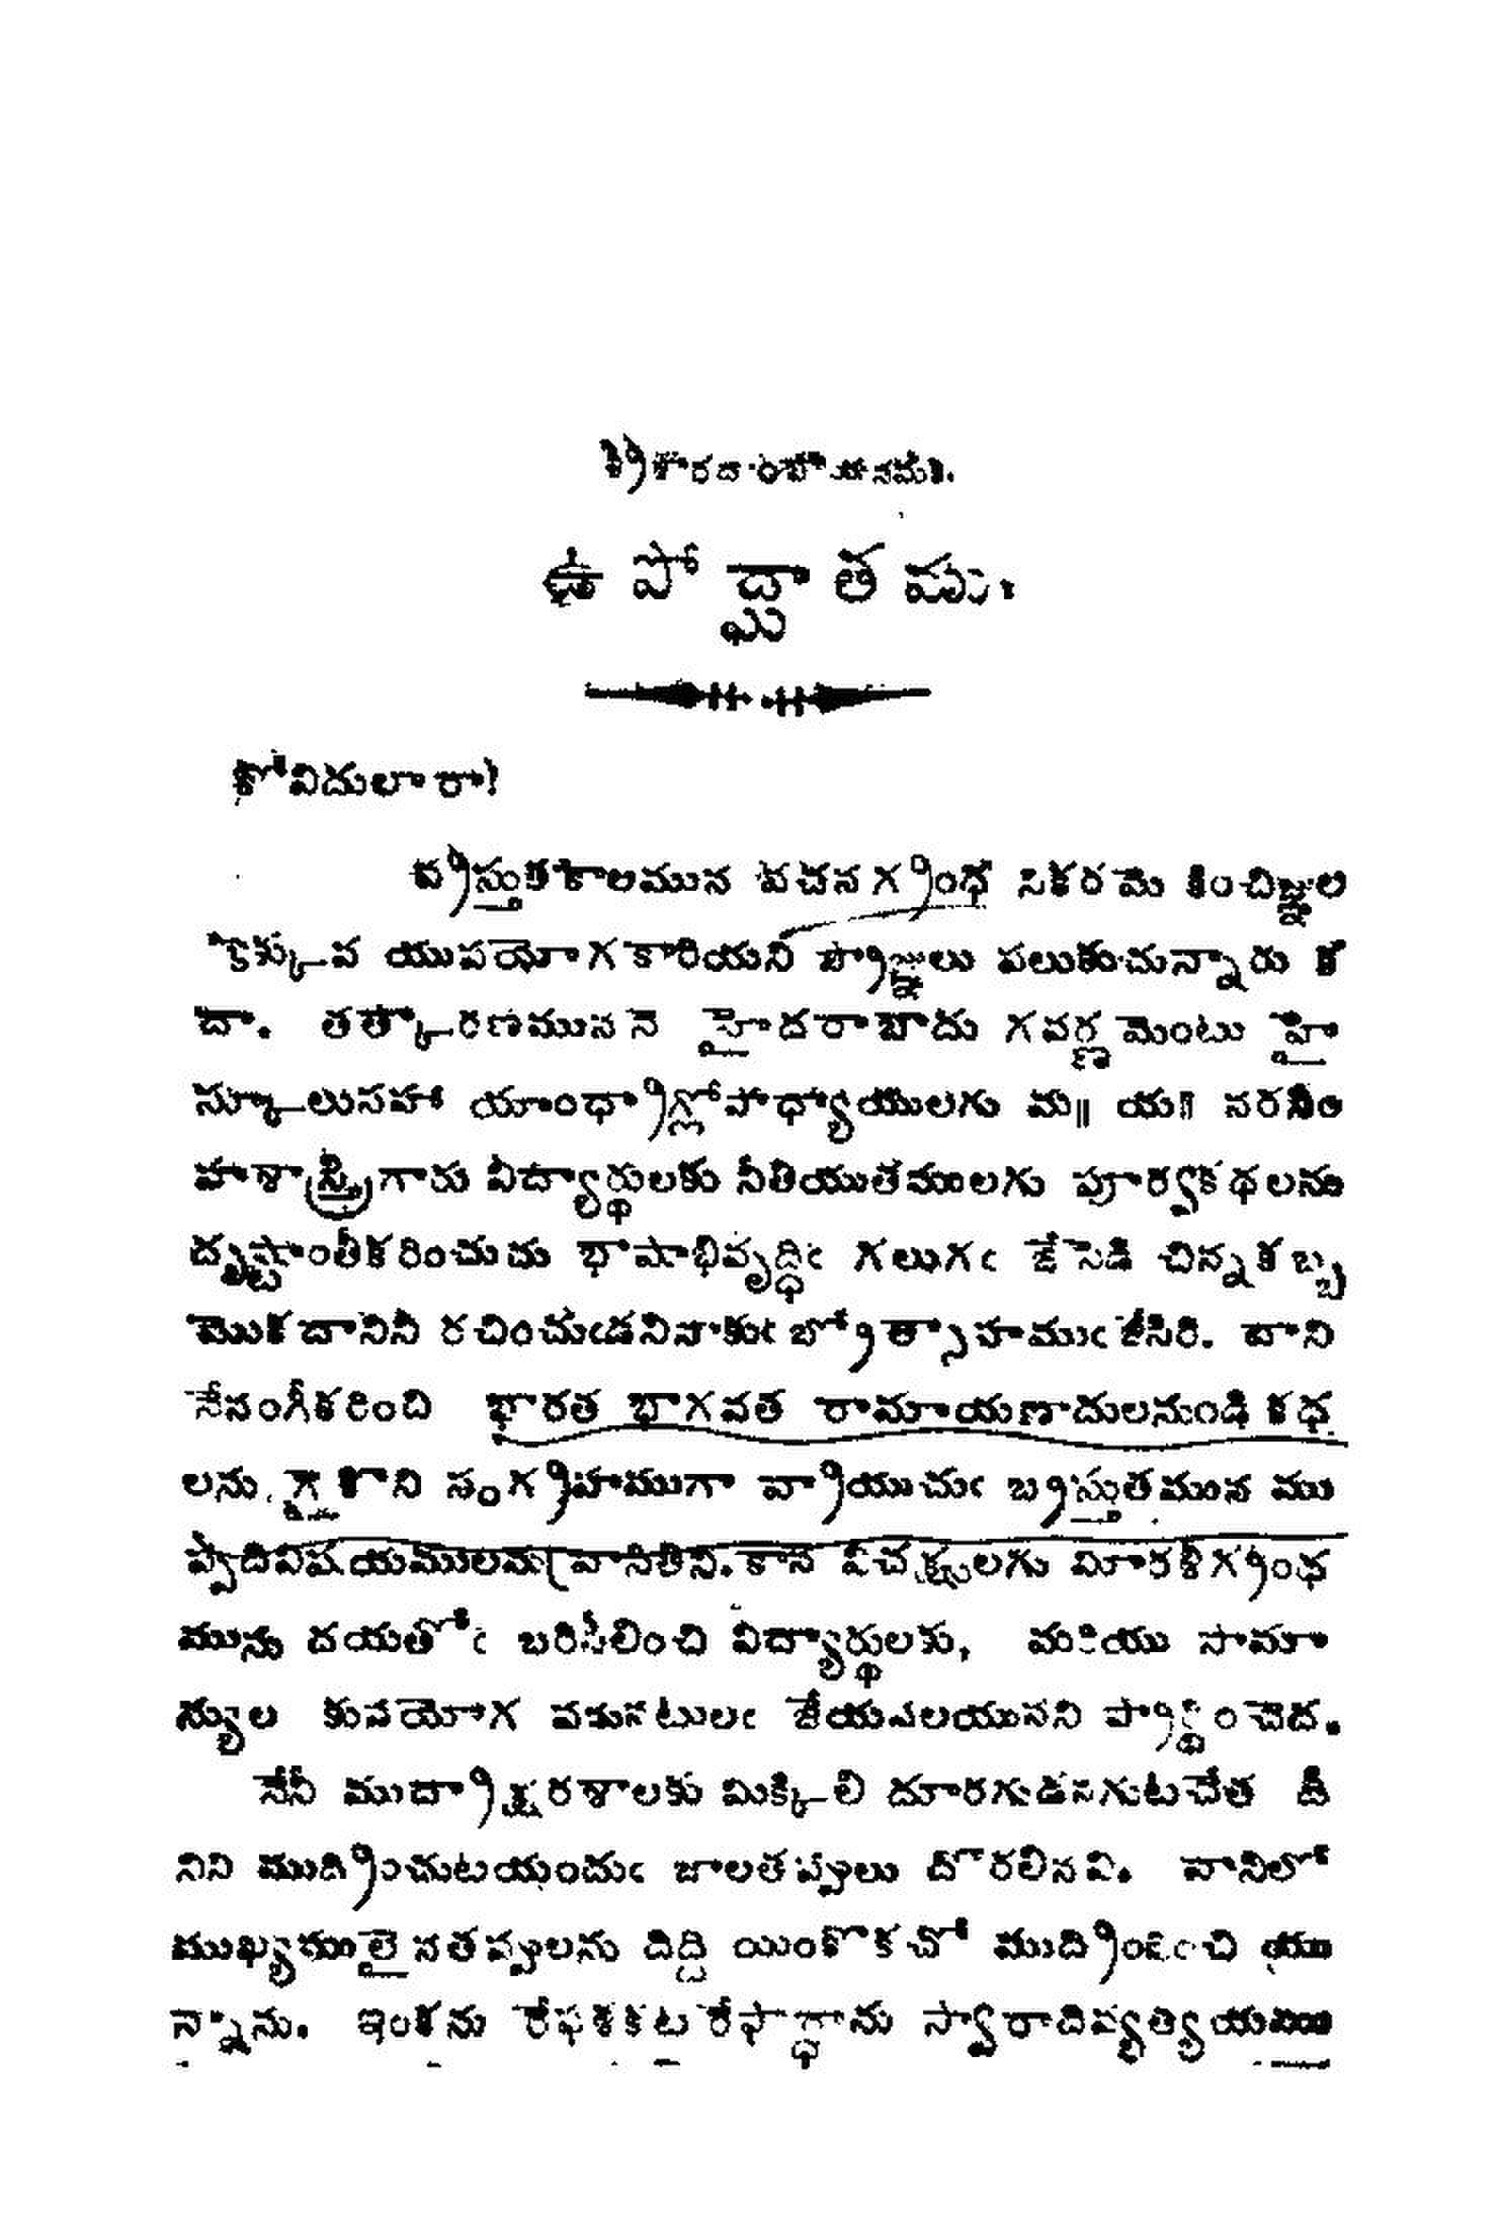ఉపోద్ఘాతము.

కోవిదులారా!

ప్రస్తుతకాలమున వచనగ్రంధ నికరమె కించిజ్ఞుల కెక్కువ యుపయోగకారియని ప్రాజ్ఞులు పలుకుచున్నారు కదా. తత్కారణముననె హైదరాబాదు గవర్ణమెంటు హైస్కూలుసహా యాంధ్రాగ్లోపాధ్యాయులగు మ॥ య॥ నరసింహశాస్త్రిగారు విద్యార్థులకు నీతియుతములగు పూర్వకథలను
దృష్టాంతీకరించుచు భాషాభివృద్ధిఁ గలుగఁ జేసెడి చిన్నకబ్బ మొకదానిని రచించుఁడని నాకుఁ బ్రోత్సాహముఁ జేసిరి. దాని నేనంగీకరించి భారత భాగవత రామాయణాదులనుండి కధలను గైకొని సంగ్రహముగా వ్రాయుచుఁ బ్రస్తుతమున ముప్పదివిషయములను వ్రాసితిని. కాన విచక్షులగు మీరశీగ్రంథమును దయతోఁ బరిసీలించి విద్యార్థులకు, మరియు సామాన్యుల కుపయోగ పడునటులఁ జేయవలయునని ప్రార్థించెద.

నేనీ ముద్రాక్షరశాలకు మిక్కిలి దూరగుడనగుటచేత దీనిని ముద్రించుటయందుఁ జాలతప్పులు దొరలినవి. వానిలో ముఖ్యములైన తప్పులను దిద్ది యింకొకచో ముద్రింపించి యున్నాను. ఇంకను రేఫశకట రేఫార్ధాను స్వారాదివ్యత్యయము